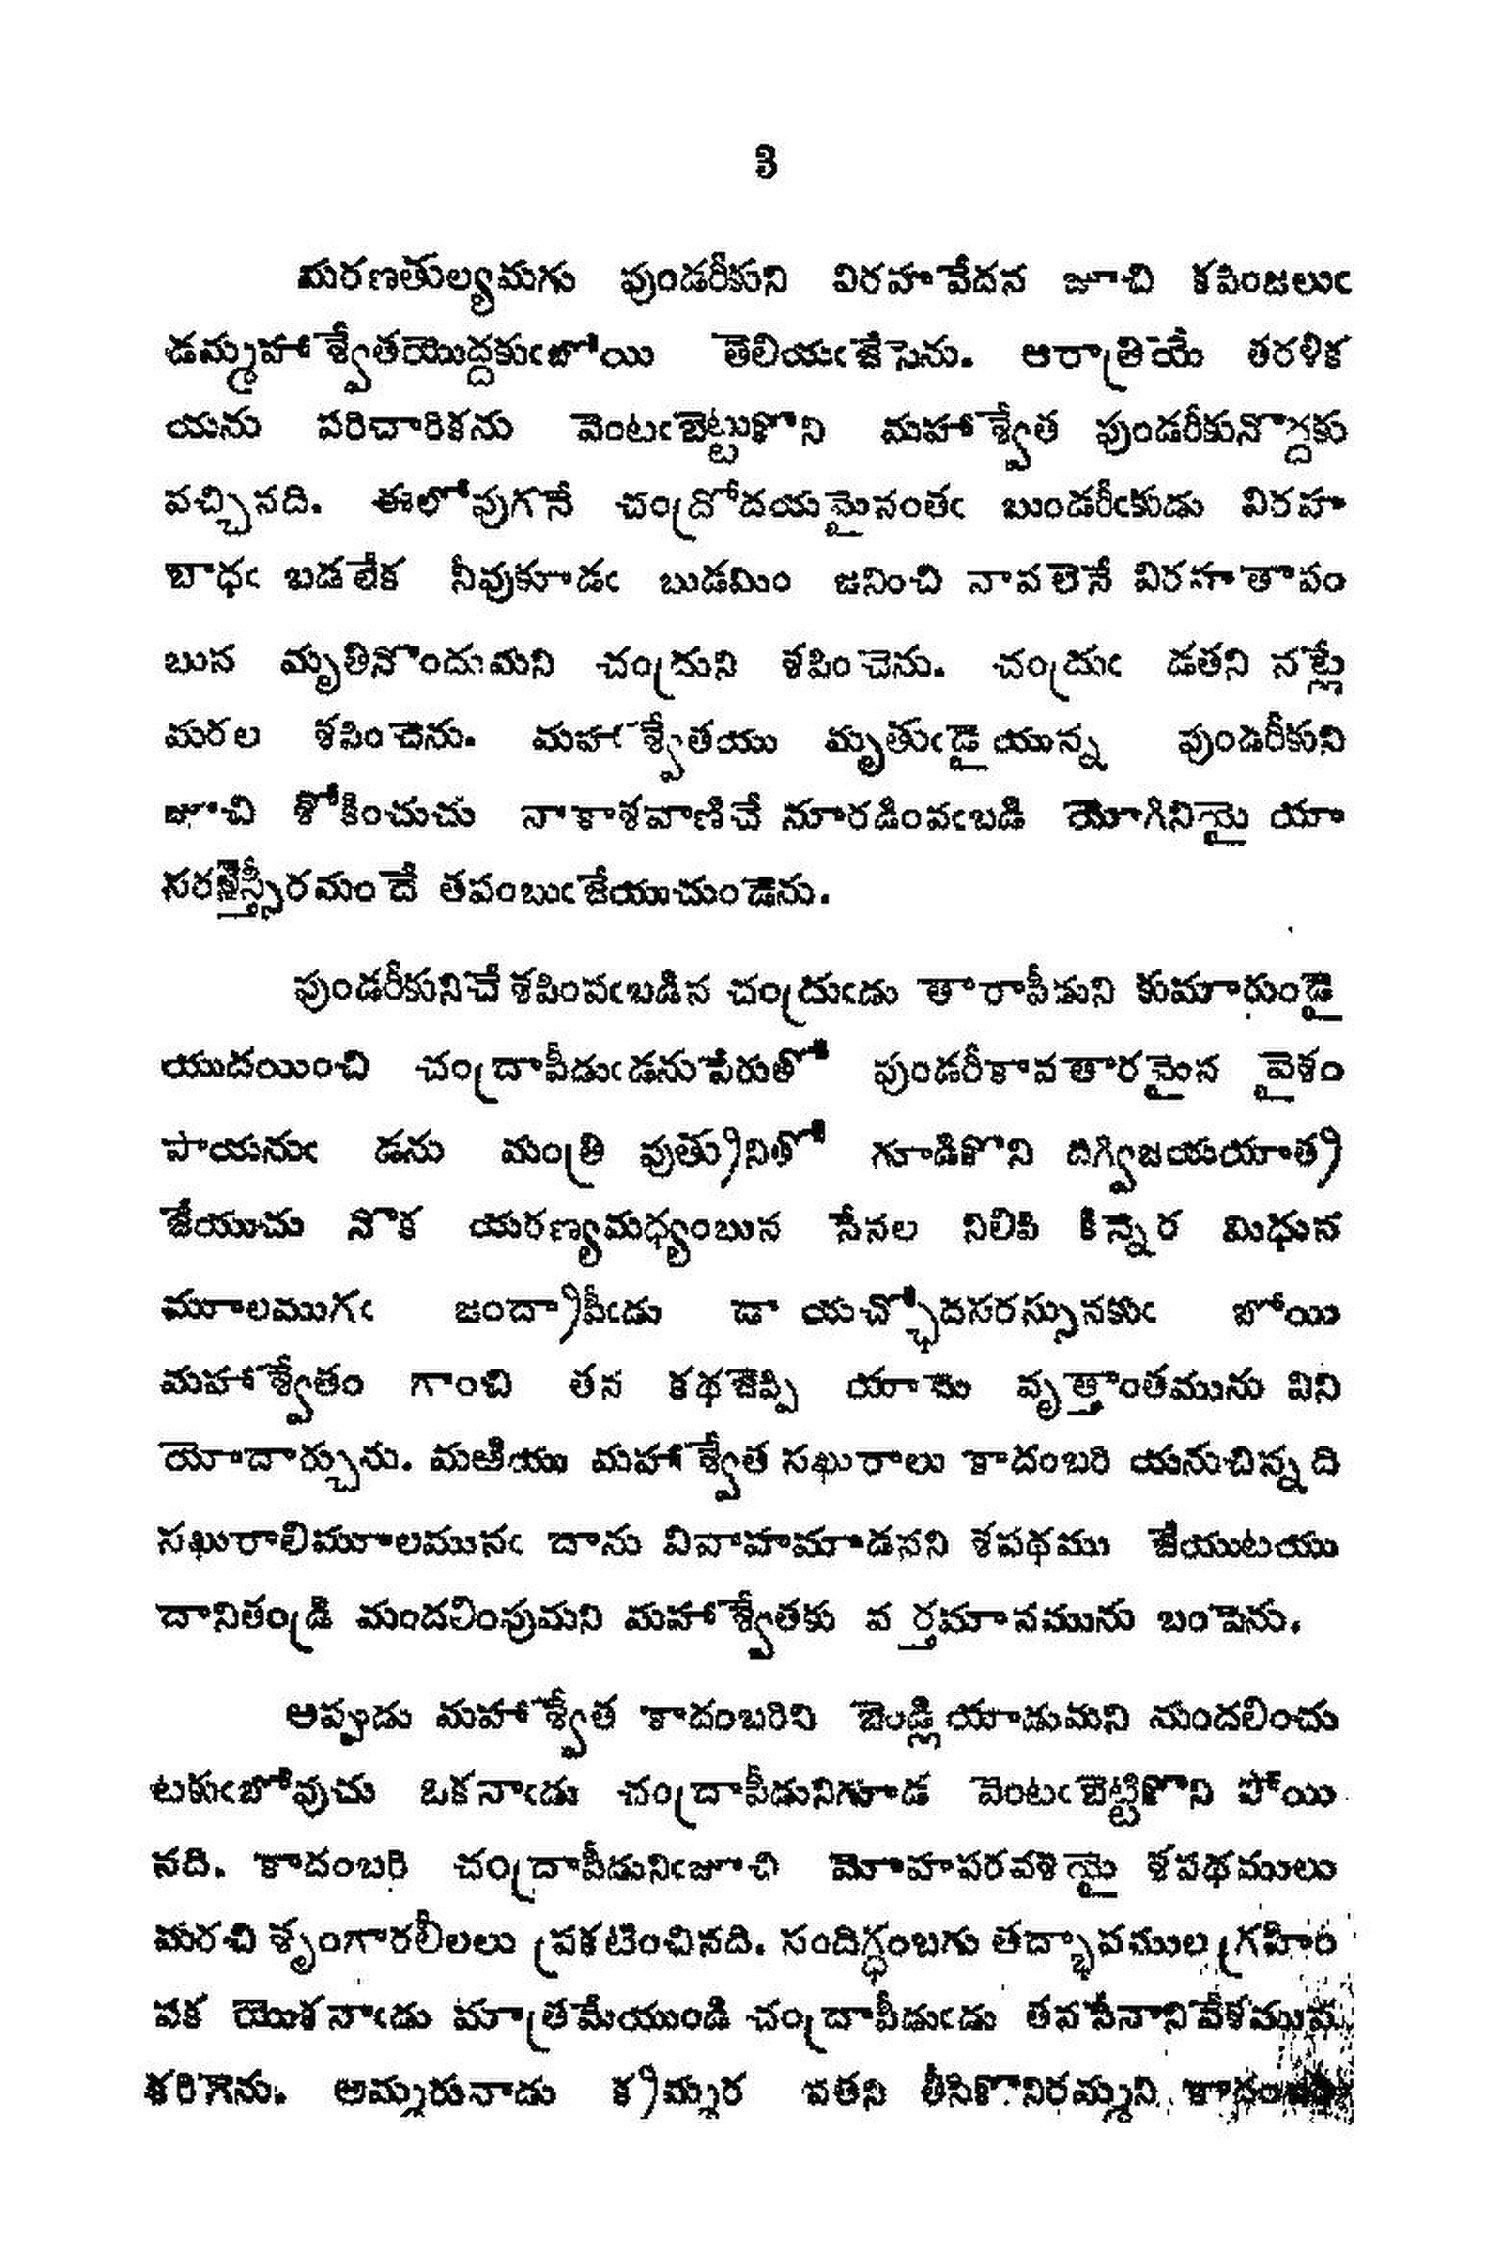మరణతుల్యమగు పుండరీకుని విరహవేదన జూచి కపింజలుఁ డమ్మహాశ్వేతయొద్దకుఁబోయి తెలియఁజేసెను. ఆరాత్రియే తరళిక యను పరిచారికను వెంటఁబెట్టుకొని మహాశ్వేత పుండరీకునొద్దకు వచ్చినది. ఈలోపుగనే చంద్రోదయమైనంతఁ బుండరీఁకుడు విరహబాధఁ బడలేక నీవుకూడఁ బుడమిం జనించి నావలెనే విరహతాపంబున మృతినొందుమని చంద్రుని శపించెను. చంద్రుఁ డతని నట్లే మరల శపించెను. మహాశ్వేతయు మృతుఁడైయున్న పుండరీకుని జూచి శోకించుచు నాకాశవాణిచే నూరడింపఁబడి యోగినియై యా సరస్త్సీరమందే తపంబుఁజేయుచుండెను.

పుండరీకునిచే శపింపఁబడిన చంద్రుఁడు తారాపీడుని కుమారుండై యుదయించి చంద్రాపీడుఁడనుపేరుతో పుండరీకావతారమైన వైశంపాయనుఁ డను మంత్రి పుత్రునితో గూడికొని దిగ్విజయయాత్ర జేయుచు నొక యరణ్యమధ్యంబున సేనల నిలిపి కిన్నెర మిధున మూలముగఁ జంద్రాపీఁడు డా యచ్ఛోదసరస్సునకుఁ బోయి మహాశ్వేతం గాంచి తన కథచెప్పి యామె వృత్తాంతమును విని యోదార్చును. మఱియు మహాశ్వేత సఖురాలు కాదంబరి యనుచిన్నది సఖురాలిమూలమునఁ దాను వివాహమాడనని శపథము జేయుటయు దానితండ్రి మందలింపుమని మహాశ్వేతకు వర్తమానమును బంపెను.

అప్పుడు మహాశ్వేత కాదంబరిని బెండ్లియాడుమని మందలించుటకుఁబోవుచు ఒకనాఁడు చంద్రాపీడునిగూడ వెంటఁబెట్టికొని పోయినది. కాదంబరి చంద్రాపీడునిఁజూచి మోహపరవశయై శపథములు మరచి శృంగారలీలలు ప్రకటించినది. సందిగ్ధంబగు తద్భావముల గ్రహింపక యొకనాఁడు మాత్రమేయుండి చంద్రాపీడుఁడు తనసేనానివేశమున కరిగెను. అమ్మరునాడు క్రమ్మర నతని తీసికొనిరమ్మని కాదంబరి